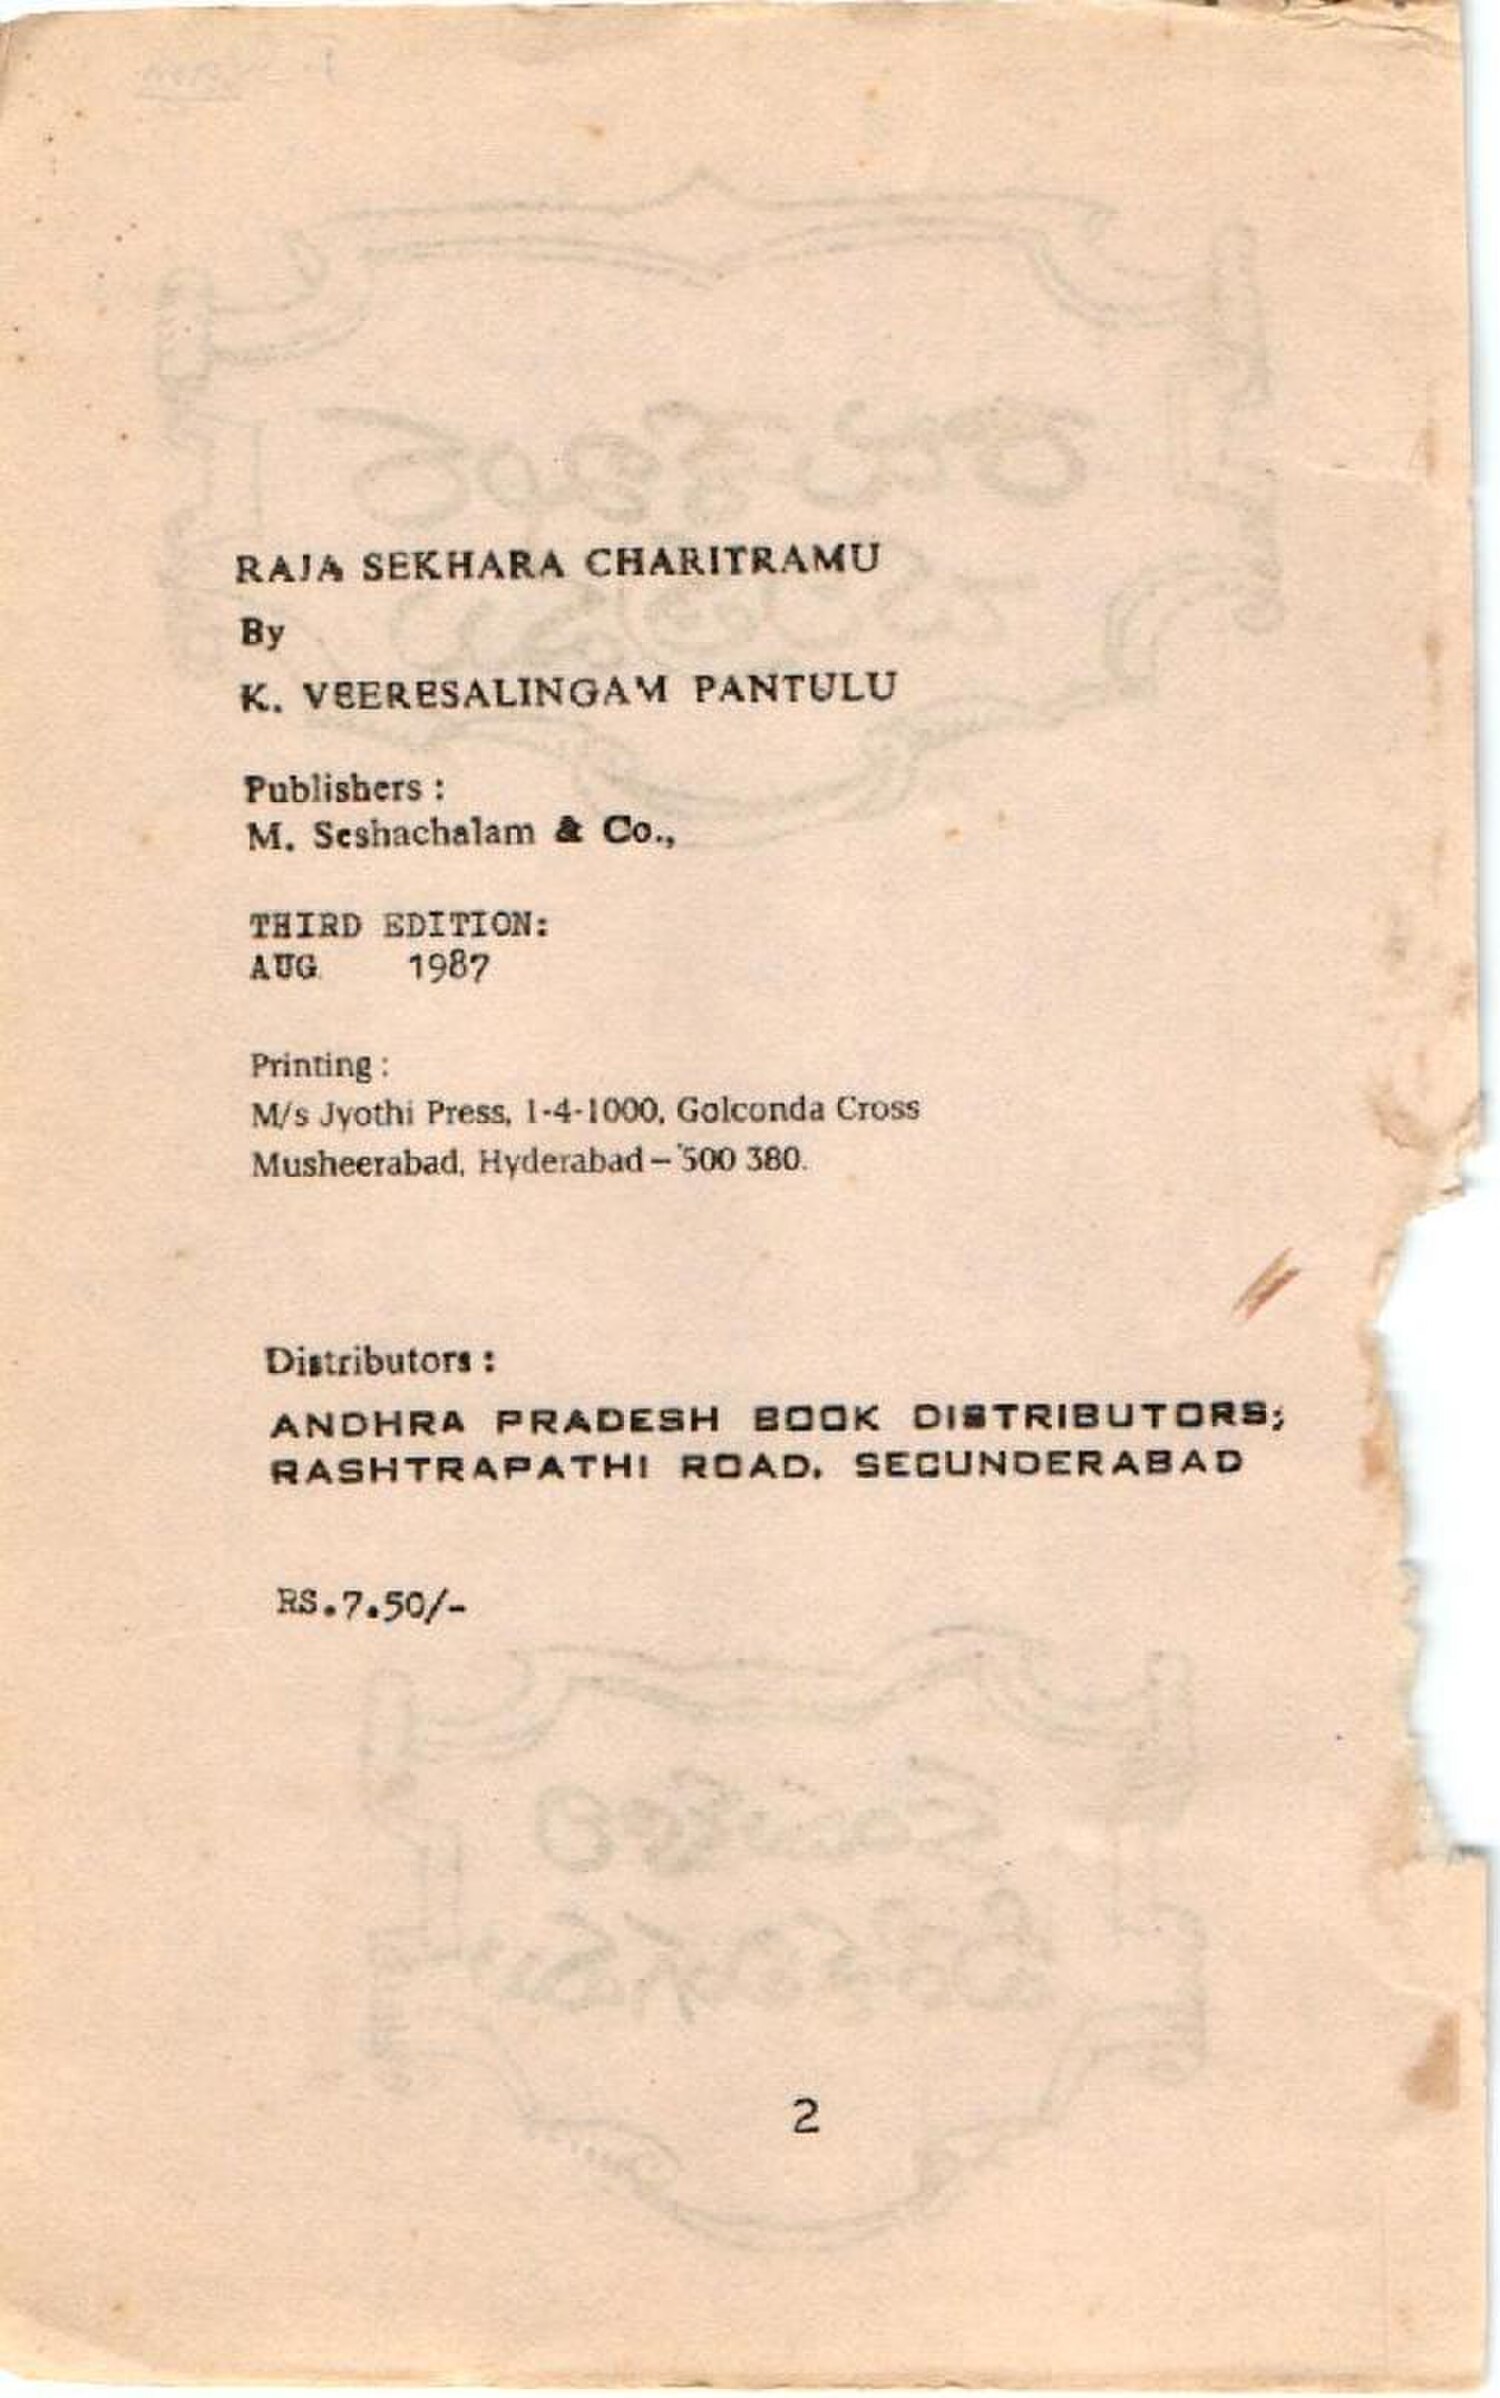RAJA SEKHARA CHARITRAMU

By

K. VEERESALINGAM PANTULU

Publishers :

M. Seshachalam & Co.,

THIRD EDITION:

AUG 1987

Printing:

M/s Jyothi Press, 1-4-1000, Golconda Cross 

Musheerabad, Hyderabad-500 380,

Distributors :

ANDHRA PRADESH BOOK DISTRIBUTORS;:

RASHTRAPATHI ROAD, SECUNDERABAD

RS. 7.50/-